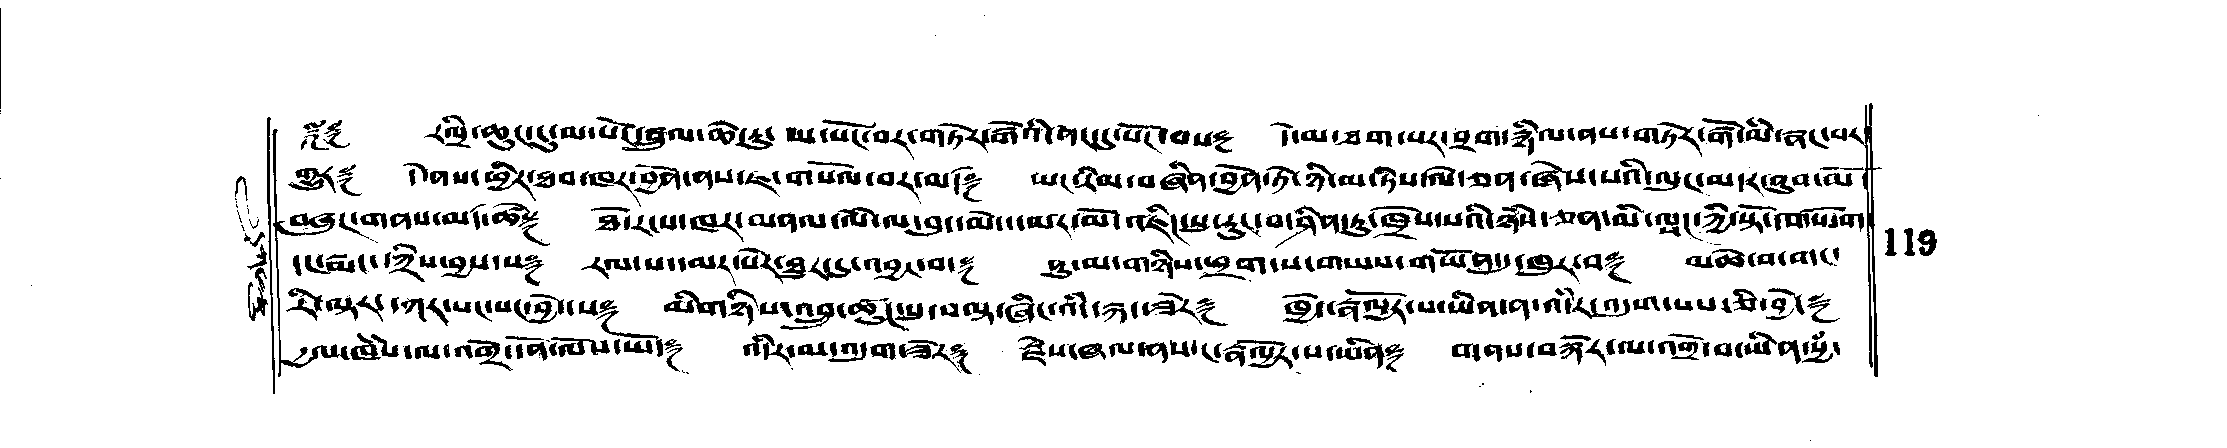རལ་གྲི་ཆུང་དུ་མ་སོང་སྦྲུལ་ཆེ་རུ་ཡ་སོང་བར་གཏེར་སྒོའི་ནང་དུ་སོང་བས། དེ་མ་ཐག་པར་བྲག་ཉིལ་ནས་གཏེར་སྒོ་མི་སྣང་བར་
གྱུར། དེ་ནས་ཕྱིར་ཐབ་ཁར་བྱོན་ནས་ཇ་གསོལ་བར་མཛད། ཡང་རིམ་བཞིན་བྱོན་ཏེ་ཉི་མ་ཏིས་ལེ་ཅན་ཞེས་པའི་ལུང་མདར་ནུབ་མོ་
བཞུགས་གནས་མཛད་ཚེ། ཐོ་རངས་ཁར་མནལ་ལམ་ལ་བུད་མེད་དམར་མོ་འཇིགས་སུ་རུང་བ་ཤིན་ཏུ་ཁྲོས་པའི་ཉམས་ཅན་མི་ལྤགས་ཀྱི་སྟོད་གཡོག་
དང་སྨད་དཀྲིས་བྱས་པ། རལ་པ་དམར་སེར་ཐུར་དུ་འཕྱང་བ། ནུ་མ་གཉིས་ཕྲག་པ་གཡས་གཡོན་དུ་ཁུར་བ། མཆེ་བ་གངས་
རི་ལྟར་དཀར་སང་སང་བྱེད་པ། མིག་གཉིས་འབྲུ་ཚུགས་སུ་བལྟ་ཞིང་འདི་སྐད་ཟེར། ཁྱོད་རྣལ་འབྱོར་པ་ཡིན་ན་འདིར་འདུག་པས་ཅི་བྱེད། 
རྒྱལ་ཁམས་ལ་འགྲོ་དོན་ལོས་ཡོད། འདིར་མ་འདུག་ཟེར། རྗེའི་ཞལ་ནས་ང་རྣལ་འབྱོར་པ་ཡིན། གནས་བསྐོར་ལ་འགྲོ་བ་ཡིན་གསུང་